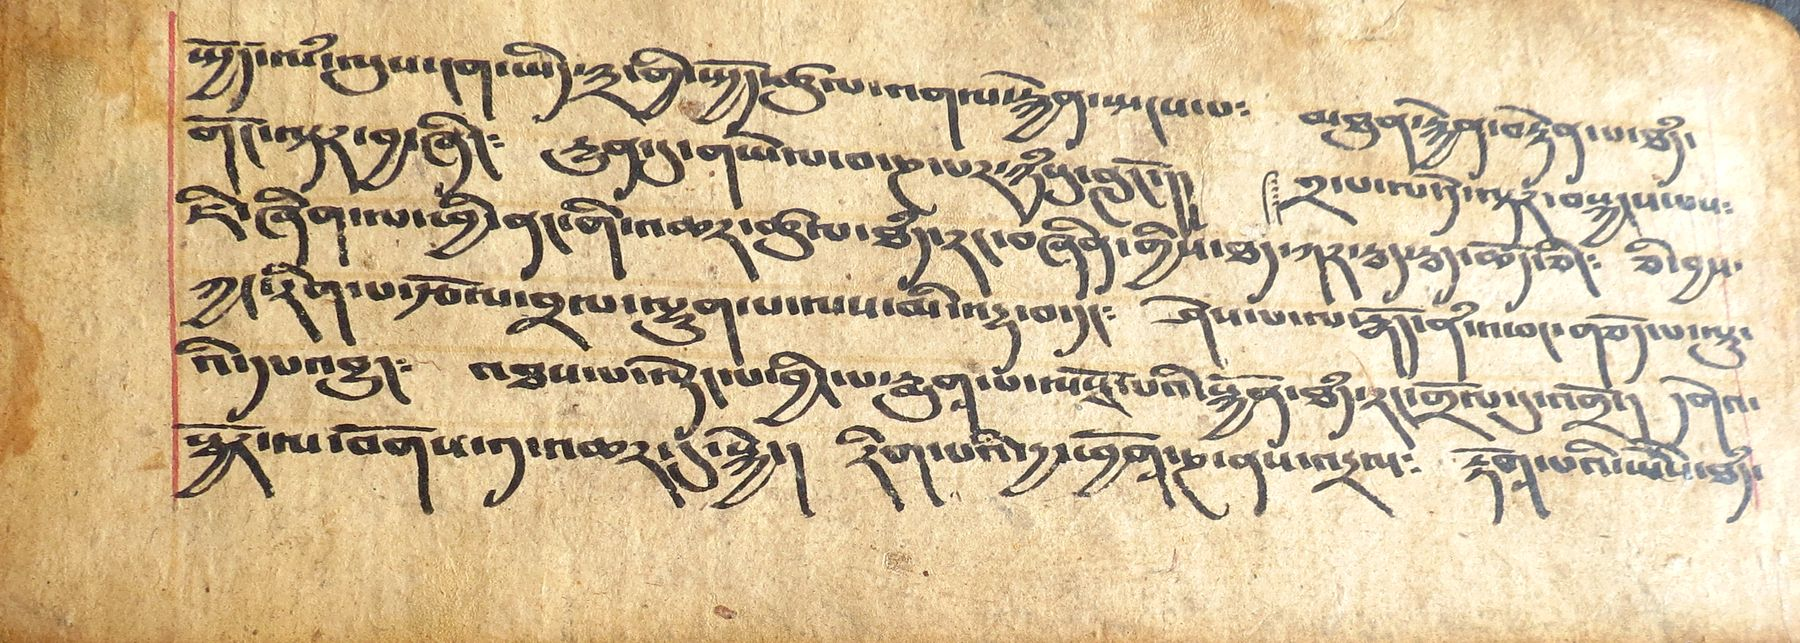སྤྱོད་ལམ་ལུས་ངག་ཡིད་གསུམ་གྱི་སྤྱོད་ཚུལ་འགལ་རྐྱེན་སྤང་བ། མཐུན་རྐྱེན་བསྟེན་པ། ཐམས་ཅད་
གོང་ལྟར་བྱ་ཞིང་རྒྱུན་དུ་གཡེལ་བ་མེད་པར་ཉམས་སུ་བླང་ངོ་། གཉིས་པ་ལ། དེ་ལྟར་བསྐྱངས་པས་
ཇི་ཞིག་ལ་ཕྱི་ནང་གི་འཆར་ཚུལ་ཐམས་ཅད་རང་བཞིན་གྱི་ཐད་ཀར་རྦད་རྦད་ཆོད་ཅིང་ཅི་བྱས་
ཀྱང་རིག་པ་རྩོལ་བྲལ་ལྷུགས་པ་ལས་མི་འདའ་བ་དང་། ཤེས་པ་ལ་བྱ་རྒོད་པོ་ནམ་འཕངས་གཅོད་པ་ལྟ་བུའི་
དཔའ་འབྱུང་། འཐས་པ། ལྡིང་བ་བྱིངས་རྨུག་པ་ལ་སོགས་པའི་སྐྱོན་ཐམས་ཅད་རང་གྲོལ་དུ་འགྲོ། དགེ་
སྦྱོར་བ་ལ་བོག་གཅིག་ཆར་དུ་སྐྱེ། རིག་པའི་རྒྱ་ཕྱོགས་མེད་ནས་འདྲལ། རྟོགས་པའི་ཡེ་ཤེས་ཐམས་ཅད་